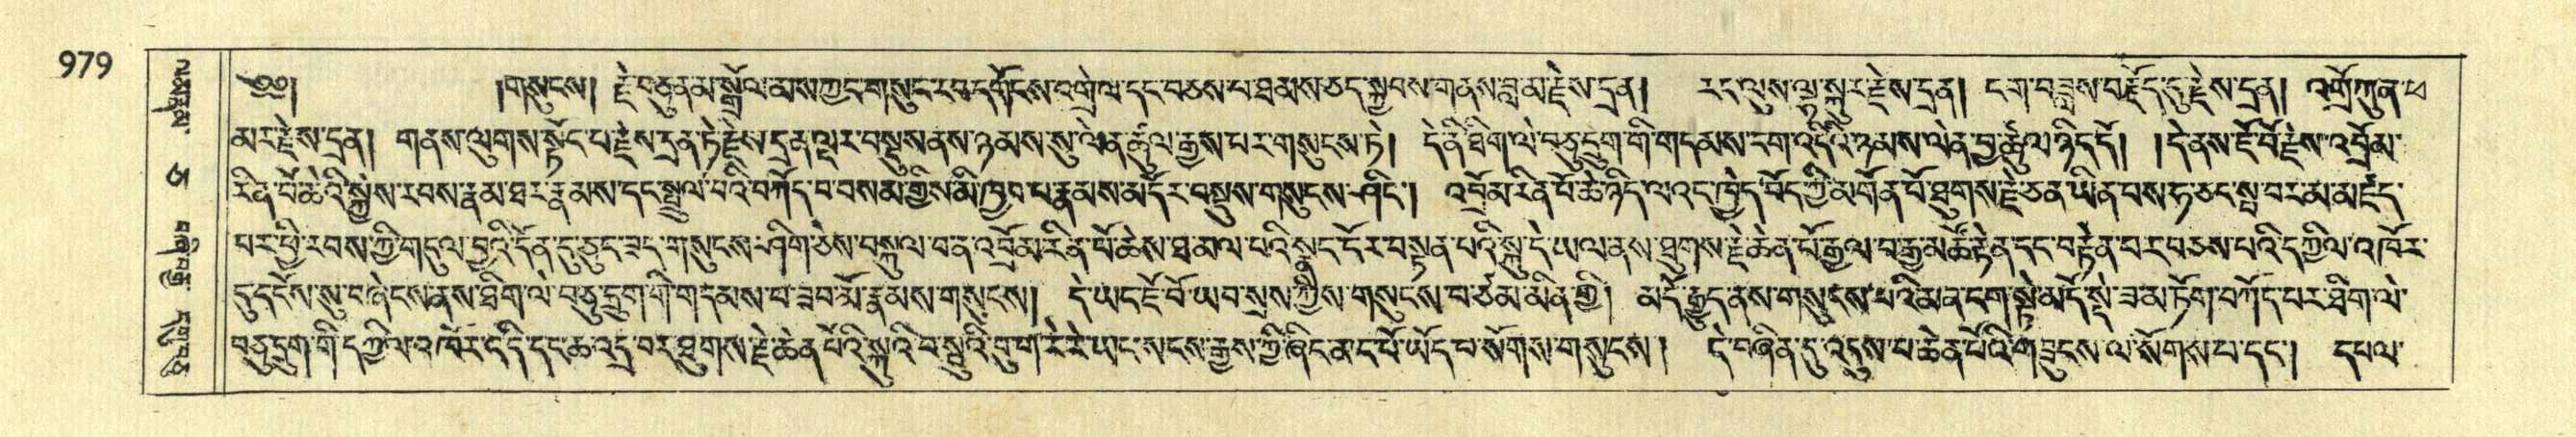༄༅། །གསུངས། རྗེ་བཅུན་མ་སྒྲོལ་མས་ཀྱང་གསུང་རབ་དགོངས་འགྲེལ་དང་བཅས་པ་ཐམས་ཅད་སྐྱབས་གནས་བླ་མ་རྗེས་དྲན། རང་ལུས་ལྷ་སྐུར་རྗེས་དྲན། ངག་བཟླས་བརྗོད་དུ་རྗེས་དྲན། འགྲོ་ཀུན་ཕ་
མར་རྗེས་དྲན། གནས་ལུགས་སྟོང་པ་རྗེས་དྲན་ཏེ་རྗེས་དྲན་ལྔར་བསྡུས་ནས་ཉམས་སུ་ལེན་ཚུལ་རྒྱས་པར་གསུངས་ཏེ། དེ་ནི་ཐིག་ལེ་བཅུ་དྲུག་གི་གདམས་ངག་འདིའི་ཉམས་ལེན་བྱ་ཚུལ་ཉིད་དོ། །དེ་ནས་ཇོ་བོ་རྗེས་འབྲོམ་
རིན་པོ་ཆེའི་སྐྱེས་རབས་རྣམ་ཐར་རྣམས་དང་སྤྲུལ་པའི་བཀོད་བ་བསམ་གྱིས་མི་ཁྱབ་པ་རྣམས་མདོར་བསྡུས་གསུངས་ཤིང་། འབྲོམ་རིན་པོ་ཆེ་ཉིད་ལའང་ཁྱེད་བོད་ཀྱི་མགོན་པོ་ཐུགས་རྗེ་ཅན་ཡིན་པས་ཧ་ཅང་སྤ་བར་མ་མཛད་
པར་ཕྱི་རབས་ཀྱི་གདུལ་བྱའི་དོན་དུ་ཅུང་ཟད་གསུངས་ཤིག་ཅེས་བསྐུལ་བ་ན་འབྲོམ་རིན་པོ་ཆེས་ཐ་མལ་པའི་སྣང་ངོར་བསྟན་པའི་སྐུ་དེ་ཡལ་ནས་ཐུགས་རྗེ་ཆེན་པོ་རྒྱལ་བ་རྒྱ་མཚོ་རྟེན་དང་བརྟེན་བར་བཅས་པའི་དཀྱིལ་འཁོར་
དུ་དངོས་སུ་བཞེངས་ནས་ཐིག་ལེ་བཅུ་དྲུག་གི་གདམས་བ་ཟབ་མོ་རྣམས་གསུངས། དེ་ཡང་ཇོ་བོ་ཡབ་སྲས་ཀྱིས་གསུངས་བ་ཙམ་མིན་གྱི། མདོ་རྒྱུད་ནས་གསུངས་པའི་མན་ངག་སྟེ་མདོ་སྡེ་ཟ་མ་ཏོག་བཀོད་པར་ཐིག་ལེ་
བཅུ་དྲུག་གི་དཀྱིལ་འཁོར་འདི་དང་ཆ་འདྲ་བར་ཐུགས་རྗེ་ཆེན་པོའི་སྐུའི་བ་སྦུའི་བུ་ག་རེ་རེ་ཡང་སངས་རྒྱས་ཀྱི་ཞིང་མང་པོ་ཡོད་པ་སོགས་གསུངས། དེ་བཞིན་དུ་འདུས་པ་ཆེན་པོའི་གཟུངས་ལ་སོགས་པ་དང་། དཔལ་